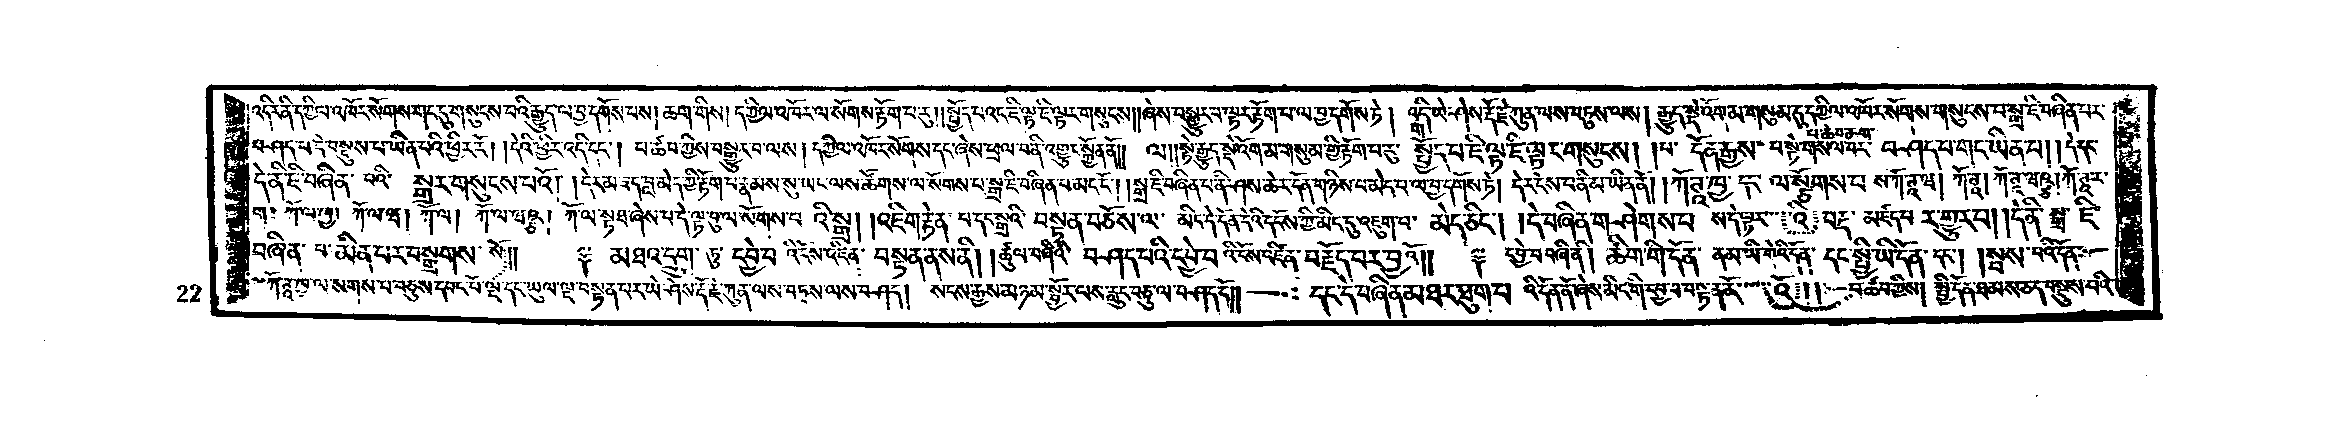འདིར་ནི་དཀྱིལ་འཁོར་སོགས་གང་དུ་གསུངས་པའི་རྒྱུད་ལ་བྱ་དགོས་པས། ཆག་གིས། དཀྱིལ་འཁོར་ལ་སོགས་རྟོག་པ་རུ། །སྤྱོད་པའང་ཇི་ལྟ་ཇི་ལྟར་གསུངས། །ཞེས་བསྒྱུར་བ་ལྟར་རྟོག་པ་ལ་བྱ་དགོས་ཏེ། འདི་ཡེ་ཤེས་རྡོ་རྗེ་ཀུན་ལས་བཏུས་ལས། རྒྱུད་སྡེ་འོག་མ་གསུམ་དུ་དཀྱིལ་འཁོར་སོགས་གསུངས་པ་སྒྲ་ཇི་བཞིན་པར་
བཤད་པ་དེ་བསྡུས་པ་ཡིན་པའི་ཕྱིར་རོ། །དེའི་ཕྱིར་འདི་དང་། པ་ཚབ་ཀྱིས་བསྒྱུར་བ་ལས། དཀྱིལ་འཁོར་སོགས་དང་ཞེས་ཕྲལ་བ་ནི་འགྱུར་སྐྱོན་ནོ།། ལ།། སྟེ་རྒྱུད་སྡེ་འོག་མ་གསུམ་གྱི་རྟོག་པ་རུ་སྤྱོད་པ་ཇི་ལྟ་ཇི་ལྟར་གསུངས། །པ་དོན་རྒྱས་པ་སྟེ་གསལ་བར་བཤད་པ་གང་ཡིན་པ། །དེ་དང་
དེ་ནི་ཇི་བཞིན་པའི་སྒྲར་གསུངས་པའོ། །དེར་མ་ཟད་ཟླ་མེད་ཀྱི་རྟོག་པ་རྣམས་སུ་ཡང་ལས་ཚོགས་ལ་སོགས་པ་སྒྲ་ཇི་བཞིན་པ་མང་ངོ། །སྒྲ་ཇི་བཞིན་པ་ནི་ཤས་ཆེར་དོན་གཉིས་པ་མེད་པ་ལ་བྱ་དགོས་ཏེ། དེར་ངེས་པ་ནི་མ་ཡིན་ནོ། །ཀོ་ཊཱ་ཁྱ་དང་ལ་སོགས་པས་ཀོ་ཊཱ་ཝ། ཀོ་ནཱ། ཀོ་ཊཱ་ཝ་ཥྩ། ཀོ་ཊཱ་ར་
ག །ཀོ་ལ་ཁྱ། ཀོ་ལ་ཝ། ཀོ་ལ། ཀོ་ལ་ཝཥྩ། ཀོ་ལ་སྟ་བ་ཞེས་པ་དེ་ལྟ་བུ་ལ་སོགས་པའི་སྒྲ། །འཇིག་རྟེན་པ་དང་སྒྲའི་བསྟན་བཅོས་ལ་མིང་དེ་དོན་དེའི་དངོས་ཀྱི་མིང་དུ་འཇུག་པ་མེད་ཅིང་། །དེ་བཞིན་གཤེགས་པས་དེ་ལྟར་འི་བརྡ་མཛད་པར་གྱུར་པ། །དེ་ནི་སྒྲ་ཇི་
བཞིན་པ་མིན་པར་བསྒྲགས་སོ།། ༈ མཐའ་དྲུག་ཏུ་དབྱེ་བའི་ངོས་འཛིན་བསྟན་ནས་ནི། །ཚུལ་བཞིའི་བཤད་པའི་དབྱེ་བའི་ངོས་འཛིན་བརྗོད་པར་བྱའོ།། ༈ དབྱེ་བ་བཞི་ནི། ཚིག་གི་དོན་ནམ་ཡི་གེའི་དོན་དང་སྤྱི་ཡི་དོན་དང་། །སྦས་པའི་དོན་
༧་ཀོ་ཊཱ་ཁྱ་ལ་སོགས་པ་བཅུས་དབང་པོ་ལྔ་དང་ཡུལ་ལྔ་བསྟན་པར་ཡེ་ཤེས་རྡོ་རྗེ་ཀུན་ལས་བཏུས་ལས་བཤད། སངས་རྒྱས་མཉམ་སྦྱོར་ལས་རླུང་བཅུ་ལ་བཤད་དོ། །དང་དེ་བཞིན་མཐར་ཐུག་པའི་དོན་ནོ་ཞེས་མིང་གི་དབྱེ་བ་བསྟན་ནོ་འོ། །པ་ཚབ་ཀྱིས། སྤྱི་དོན་ཐམས་ཅད་བསྡུས་པའི་